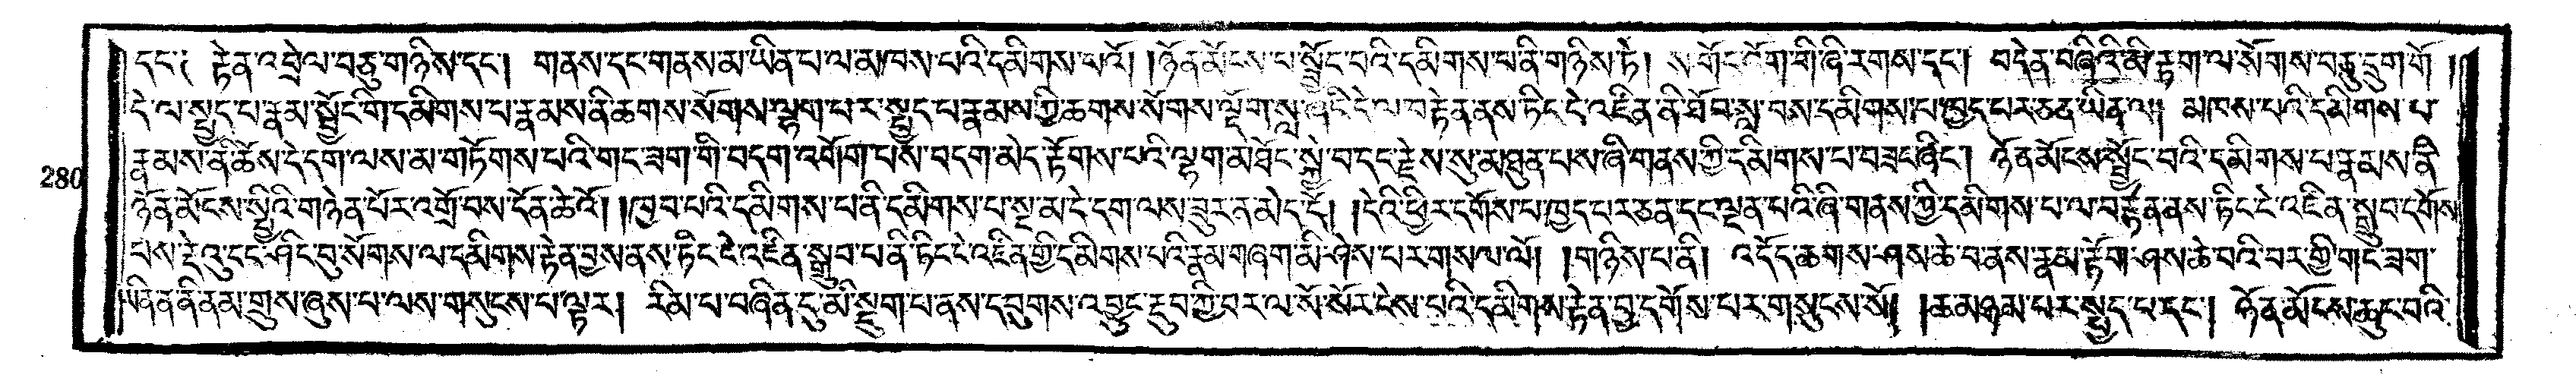དང་༑ རྟེན་འབྲེལ་བཅུ་གཉིས་དང་། གནས་དང་གནས་མ་ཡིན་པ་ལ་མཁས་པའི་དམིགས་པའོ། །ཉོན་མོངས་པ་སྦྱོང་བའི་དམིགས་པ་ནི་གཉིས་ཏེ། ས་གོང་འོག་གི་ཞི་རགས་དང་། བདེན་བཞིའི་མི་རྟག་ལ་སོགས་བཅུ་དྲུག་གོ།
དེ་ལ་སྤྱད་པ་རྣམ་སྦྱོང་གི་དམིགས་པ་རྣམས་ནི་ཆགས་སོགས་ལྷག་པར་སྤྱད་པ་རྣམས་ཀྱི་ཆགས་སོགས་ལྡོག་སླ་ཞིང་དེ་ལ་བརྟེན་ནས་ཏིང་ངེ་འཛིན་ནི་ཐོབ་སླ་བས་དམིགས་པ་ཁྱད་པར་ཅན་ཡིན་ལ། མཁས་པའི་དམིགས་པ་
རྣམས་ནི་ཆོས་དེ་དག་ལས་མ་གཏོགས་པའི་གང་ཟག་གི་བདག་འགོག་པས་བདག་མེད་རྟོགས་པའི་ལྷག་མཐོང་སྐྱེ་བ་དང་རྗེས་སུ་མཐུན་པས་ཞི་གནས་ཀྱི་དམིགས་པ་བཟང་ཞིང་། ཉོན་མོངས་སྦྱོང་བའི་དམིགས་པ་རྣམས་ནི་
ཉོན་མོངས་སྤྱིའི་གཉེན་པོར་འགྲོ་བས་དོན་ཆེའོ། །ཁྱབ་པའི་དམིགས་པ་ནི་དམིགས་པ་སྔ་མ་དེ་དག་ལས་ཟུར་ན་མེད་དོ། །དེའི་ཕྱིར་དགོས་པ་ཁྱད་པར་ཅན་དང་ལྡན་པའི་ཞི་གནས་ཀྱི་དམིགས་པ་ལ་བརྟེན་ནས་ཏིང་ངེ་འཛིན་སྒྲུབ་དགོས་
པས་རྡེའུ་ངང་ཤིང་བུ་སོགས་ལ་དམིགས་རྟེན་བྱས་ནས་ཏིང་ངེ་འཛིན་སྒྲུབ་པ་ནི་ཏིང་ངེ་འཛིན་གྱི་དམིགས་པའི་རྣམ་གཞག་མི་ཤེས་པར་གསལ་ལོ། །གཉིས་པ་ནི། འདོད་ཆགས་ཤས་ཆེ་བ་ནས་རྣམ་རྟོག་ཤས་ཆེ་བའི་བར་གྱི་གང་ཟག་
ཡིན་ན་ནི་ནམ་གྲུས་ཞུས་པ་ལས་གསུངས་པ་ལྟར། རིམ་པ་བཞིན་དུ་མི་སྡུག་པ་ནས་དབུགས་འབྱུང་རྡུབ་ཀྱི་བར་ལ་སོ་སོར་ངེས་པའི་དམིགས་རྟེན་བྱ་དགོས་པར་གསུངས་སོ། །ཆ་མཉམ་པར་སྤྱད་པ་དང་།ཉོན་མོངས་ཆུང་བའི་